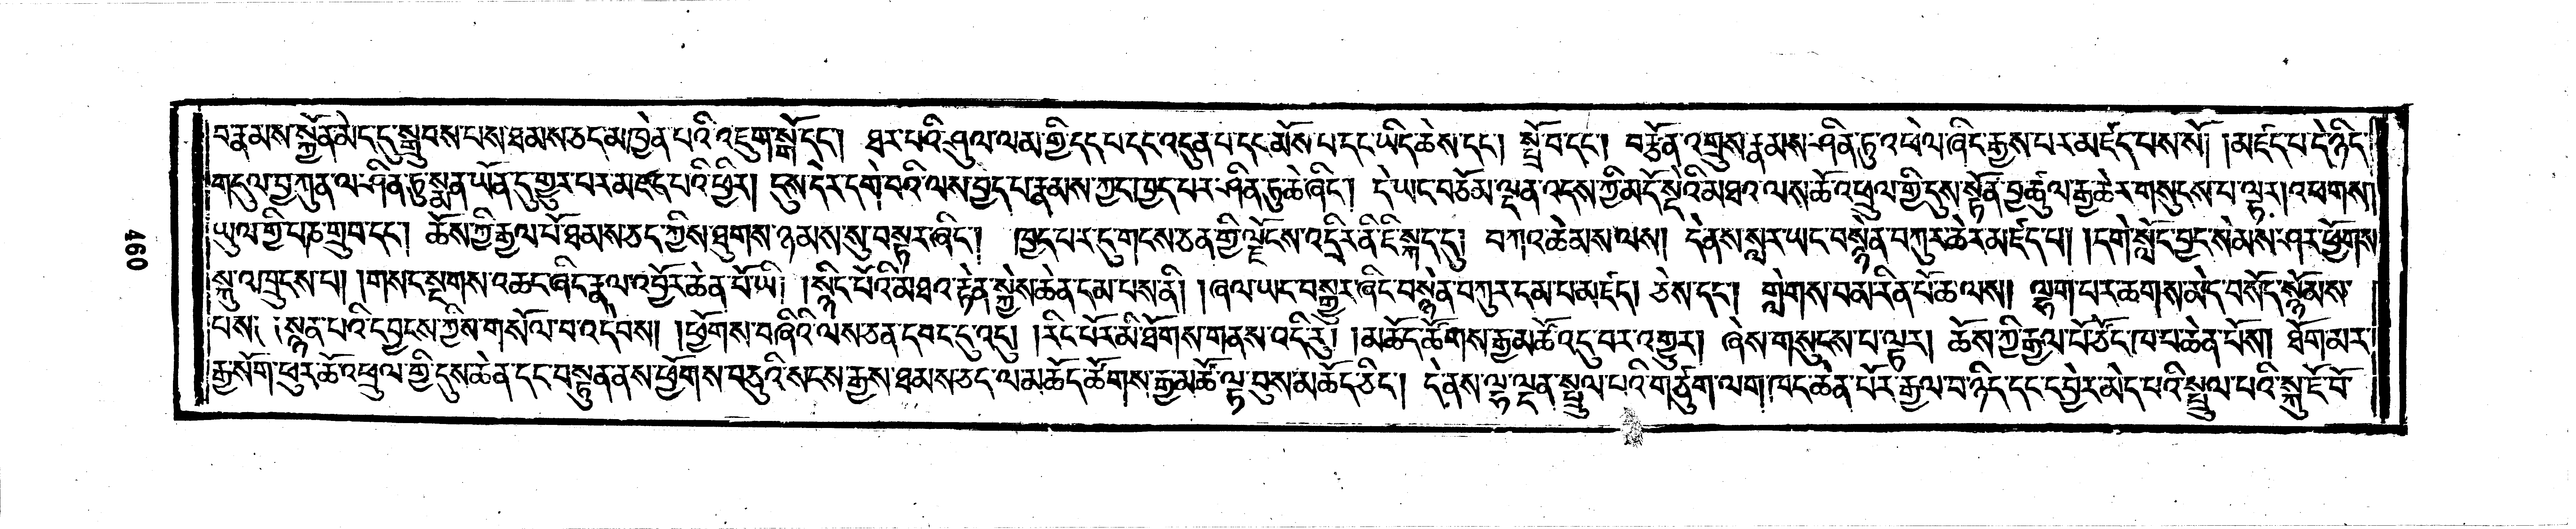བ་རྣམས་སྐྱོན་མེད་དུ་སྒྲུབས་པས་ཐམས་ཅད་མཁྱེན་པའི་འཇུག་སྒོ་དང་། ཐར་པའི་ཤུལ་ལམ་གྱི་དད་པ་དང་འདུན་པ་དང་མོས་པ་དང་ཡིད་ཆེས་དང་། སྤྲོ་བ་དང་། བརྩོན་འགྲུས་རྣམས་ཤིན་ཏུ་འཕེལ་ཞིང་རྒྱས་པར་མཛད་པས་སོ། །མཛད་པ་དེ་ཉིད་
གདུལ་བྱ་ཀུན་ལ་ཤིན་ཏུ་སྨན་ཡོན་དུ་གྱུར་པར་མཛད་པའི་ཕྱིར། དུས་དེར་དགེ་བའི་ལས་བྱེད་པ་རྣམས་ཀྱང་ཁྱད་པར་ཤིན་ཏུ་ཆེ་ཞིང་། དེ་ཡང་བཅོམ་ལྡན་འདས་ཀྱི་མདོ་སྡེའི་མཐའ་ལས་ཆོ་འཕྲུལ་གྱི་དུས་སྟོན་བྱ་ཚུལ་རྒྱ་ཆེར་གསུངས་པ་ལྟར། འཕགས།
ཡུལ་གྱི་པཎ་གྲུབ་དང་། ཆོས་ཀྱི་རྒྱལ་པོ་ཐམས་ཅད་ཀྱིས་ཐུགས་ཉམས་སུ་བསྟར་ཞིང་། ཁྱད་པར་དུ་གངས་ཅན་གྱི་ལྗོངས་འདྲིར་ནི་ཇི་སྐད་དུ། བཀའ་ཆེམས་ལས། དེ་ནས་སླར་ཡང་བསྙེན་བཀུར་ཆེར་མཛད་པ། །དགེ་སློང་བྱང་སེམས་ཤར་ཕྱོགས་
སྐུ་འཁྲུངས་པ། །གསང་སྔགས་འཆང་ཞིང་རྣལ་འབྱོར་ཆེན་པོ་ཡི། །སྙིང་པོའི་མཐའ་རྟེན་སྐྱེས་ཆེན་དམ་པས་ནི། །ཞལ་ཡང་བསྒྱུར་ཞིང་བསྙེན་བཀུར་དམ་པ་མཛད། ཅེས་དང་། གླེགས་བམ་རིན་པོ་ཆ་ལས། ལྷག་པར་ཆགས་མེད་བསོད་སྙོམས་
པས༑ ༑སྙན་པའི་དབྱངས་ཀྱིས་གསོལ་བ་འདེབས། །ཕྱོགས་བཞིའི་ལས་ཅན་དབང་དུ་འདུ། །རིང་པོར་མི་ཐོགས་གནས་འདི་རུ། །མཆོད་ཚོགས་རྒྱ་མཚོ་འདུ་བར་འགྱུར། ཞེས་གསུངས་པ་ལྟར། ཆོས་ཀྱི་རྒྱལ་པོ་ཙོང་ཁ་པ་ཆེན་པོས། ཐོག་མར་
རྒྱ་སོག་ཕུར་ཆོ་འཕྲུལ་གྱི་དུས་ཆེན་དང་བསྟུན་ནས་ཕྱོགས་བཅུའི་སངས་རྒྱས་ཐམས་ཅད་ལ་མཆོད་ཚོགས་རྒྱ་མཚོ་ལྟ་བུས་མཆོད་ཅིང་། དེ་ནས་ལྷ་ལྡན་སྤྲུལ་པའི་གཙུག་ལག་ཁང་ཆེན་པོར་རྒྱལ་བ་ཉིད་དང་དབྱེར་མེད་པའི་སྤྲུལ་པའི་སྐུ་ཇོ་བོ་